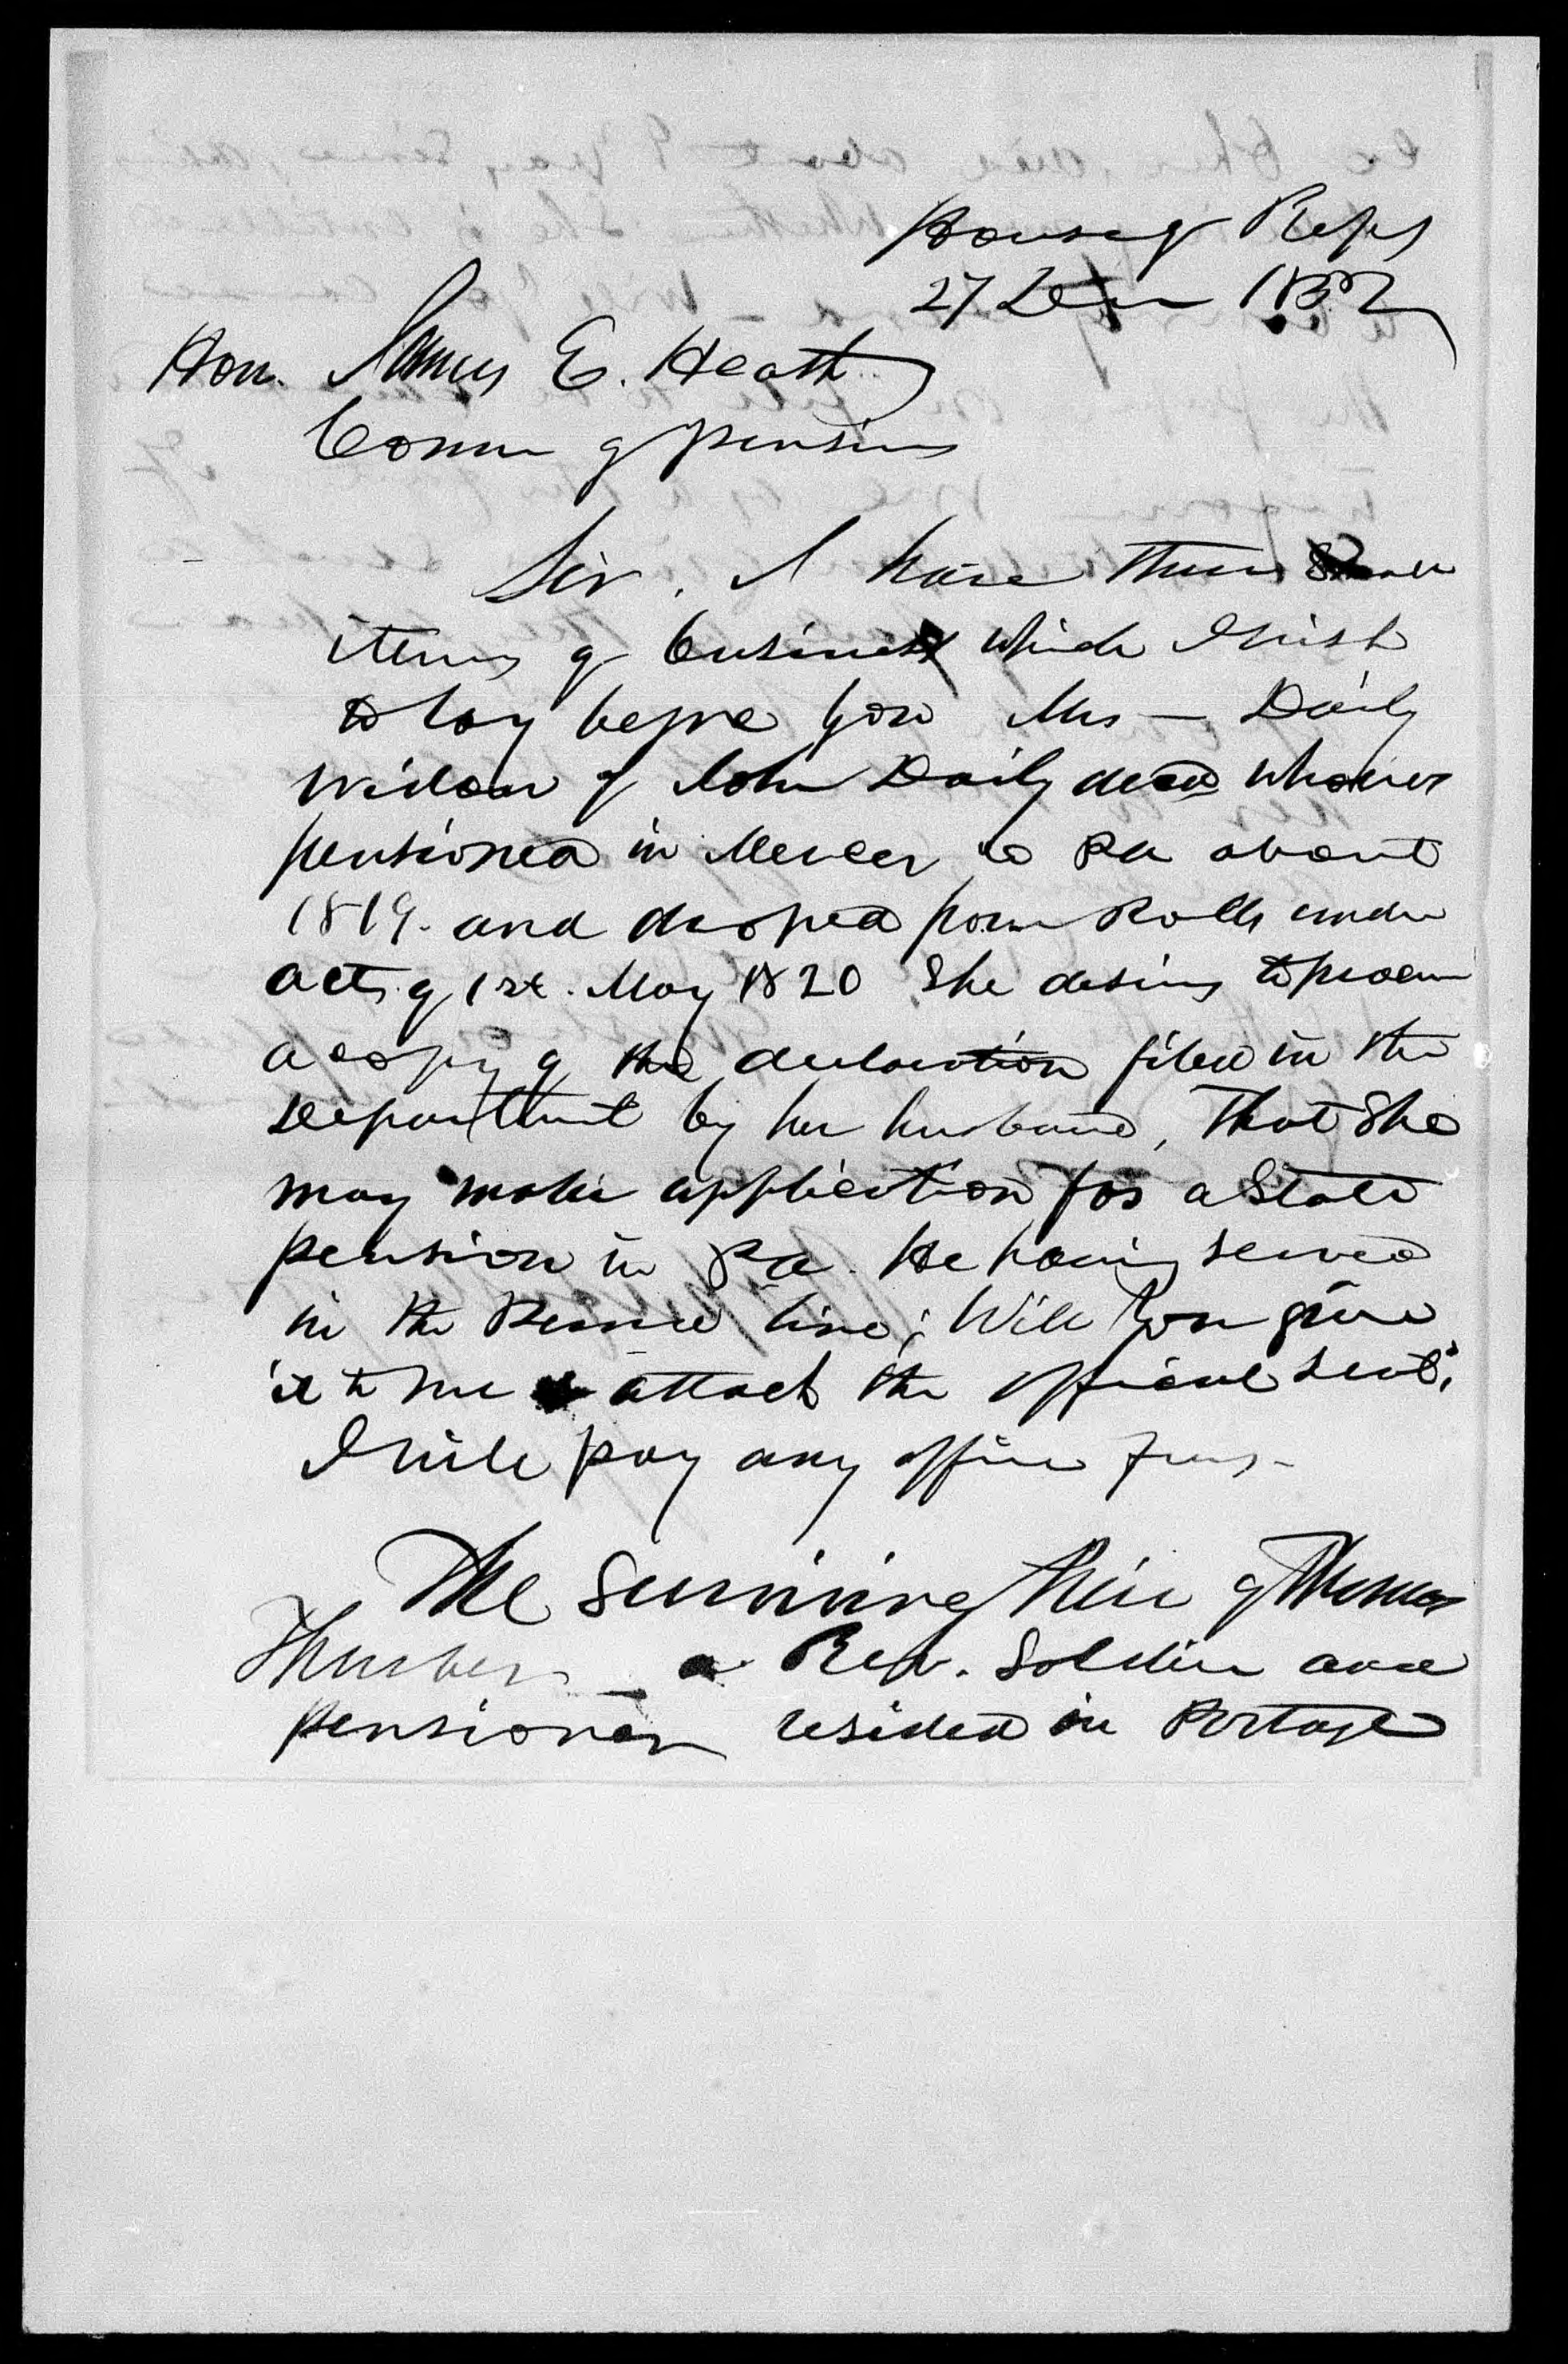House of Reps
27 Dec 18[illegible]

Hon James E. Heath
Comm of Pensions 

Sir, I have three small items of business which I wish to lay before you  Mrs Daily widow of John Daily decd who was pensionea in Mercer co pa about 1819 and droped from Rolls under Act of 1st May 1820. She desires to procure a copy of the declaration filed in the Department by her husband. That She may makes application for a State pension in Pa.  He having served in the [illegible] line; Will you give it to me attach the official seal:  I will pay any office fees 

The surviving heir of Thomas Thurber a Rev. Soldier and pensioner resided in Portage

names: John Daily, James E Heath, Daily, Thomas Thurber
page: 38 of 63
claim: widow's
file: W. 3228, John Daly, Penn.